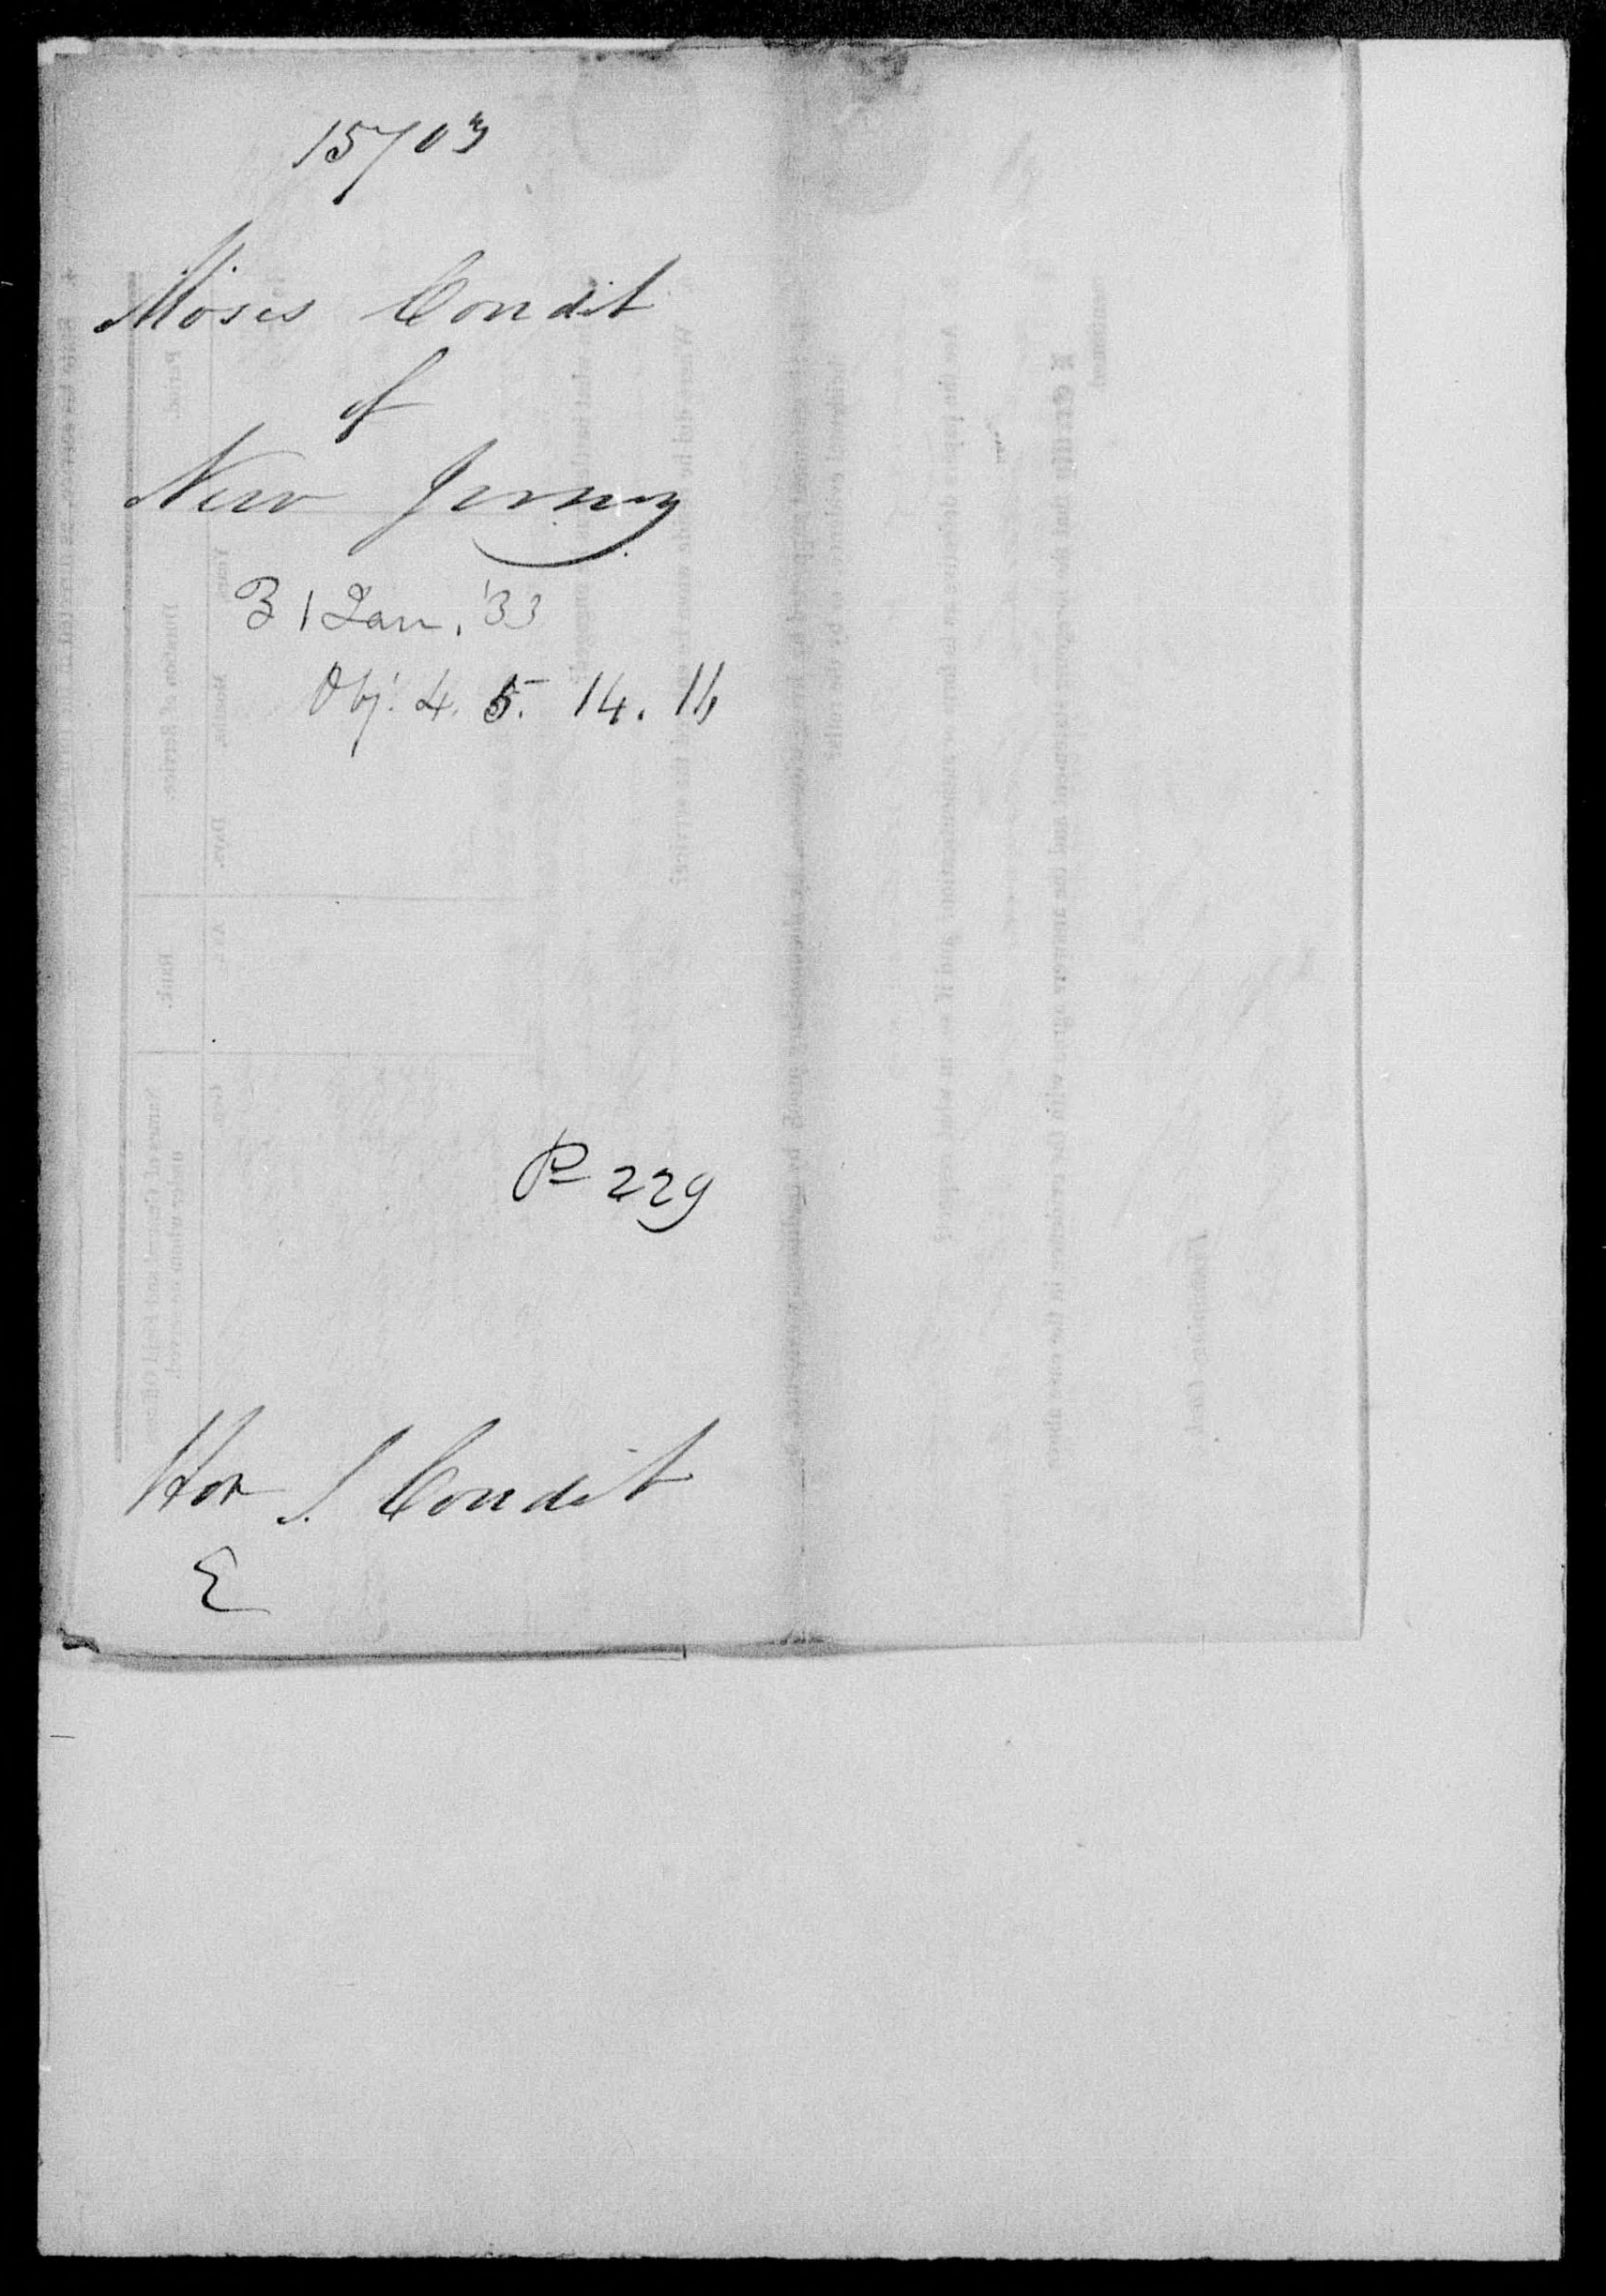15703
Moses Condit
of
New Jersey
31 Jan. '33
Ob:j 4.5.14.11,

P 229
Hon I Condit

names: Moses Condit, S Condit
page: 7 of 23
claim: survivor's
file: S. 3212, Moses Condit, New Jersey